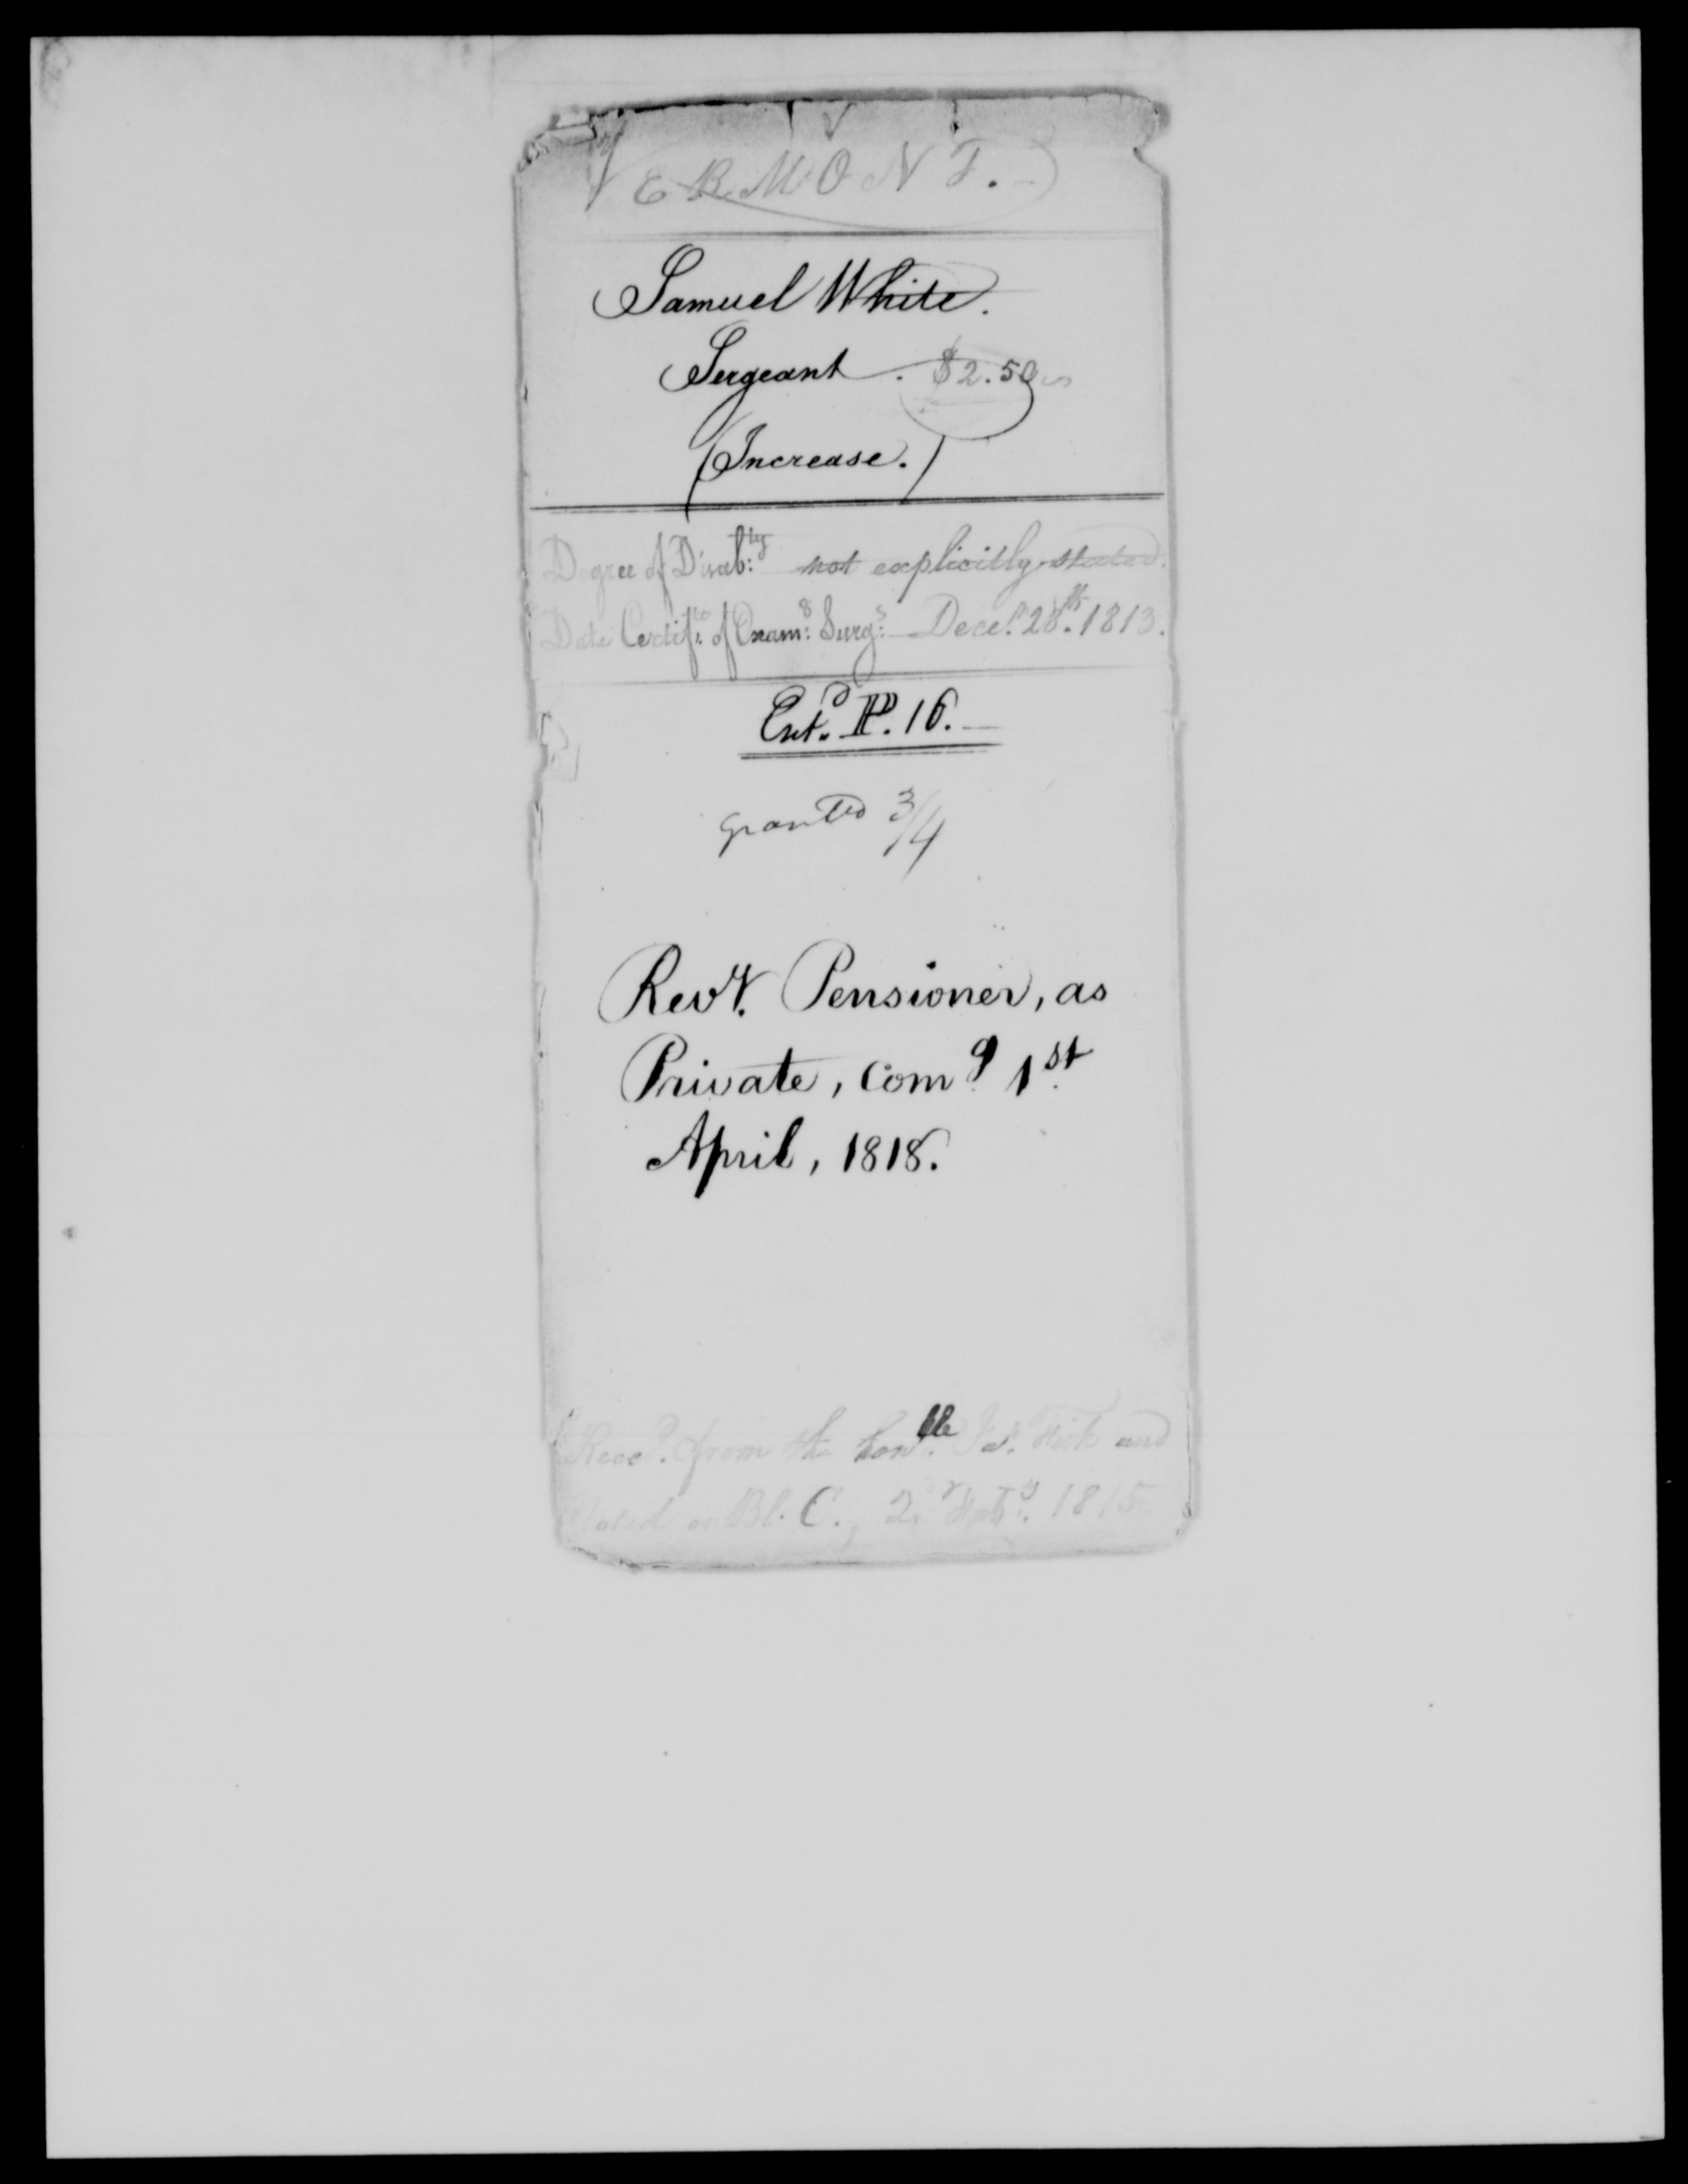E R W O N Div

Samuel White
Sergeant $2.50
(Increase)

Degree of Disab. explicitly stated
Date Certif. of Exam. surg. Dec. 28th 1813

Ent. P. 16
granted 3/4

Revy. Pensioner as Private, com. 1st April 1818

Rec'd from the honble. Jas. Fisk and Noted on Bk C. 2 Feby. 1815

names: Samuel White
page: 24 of 79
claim: survivor's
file: S. 11759, Samuel White, Mass.